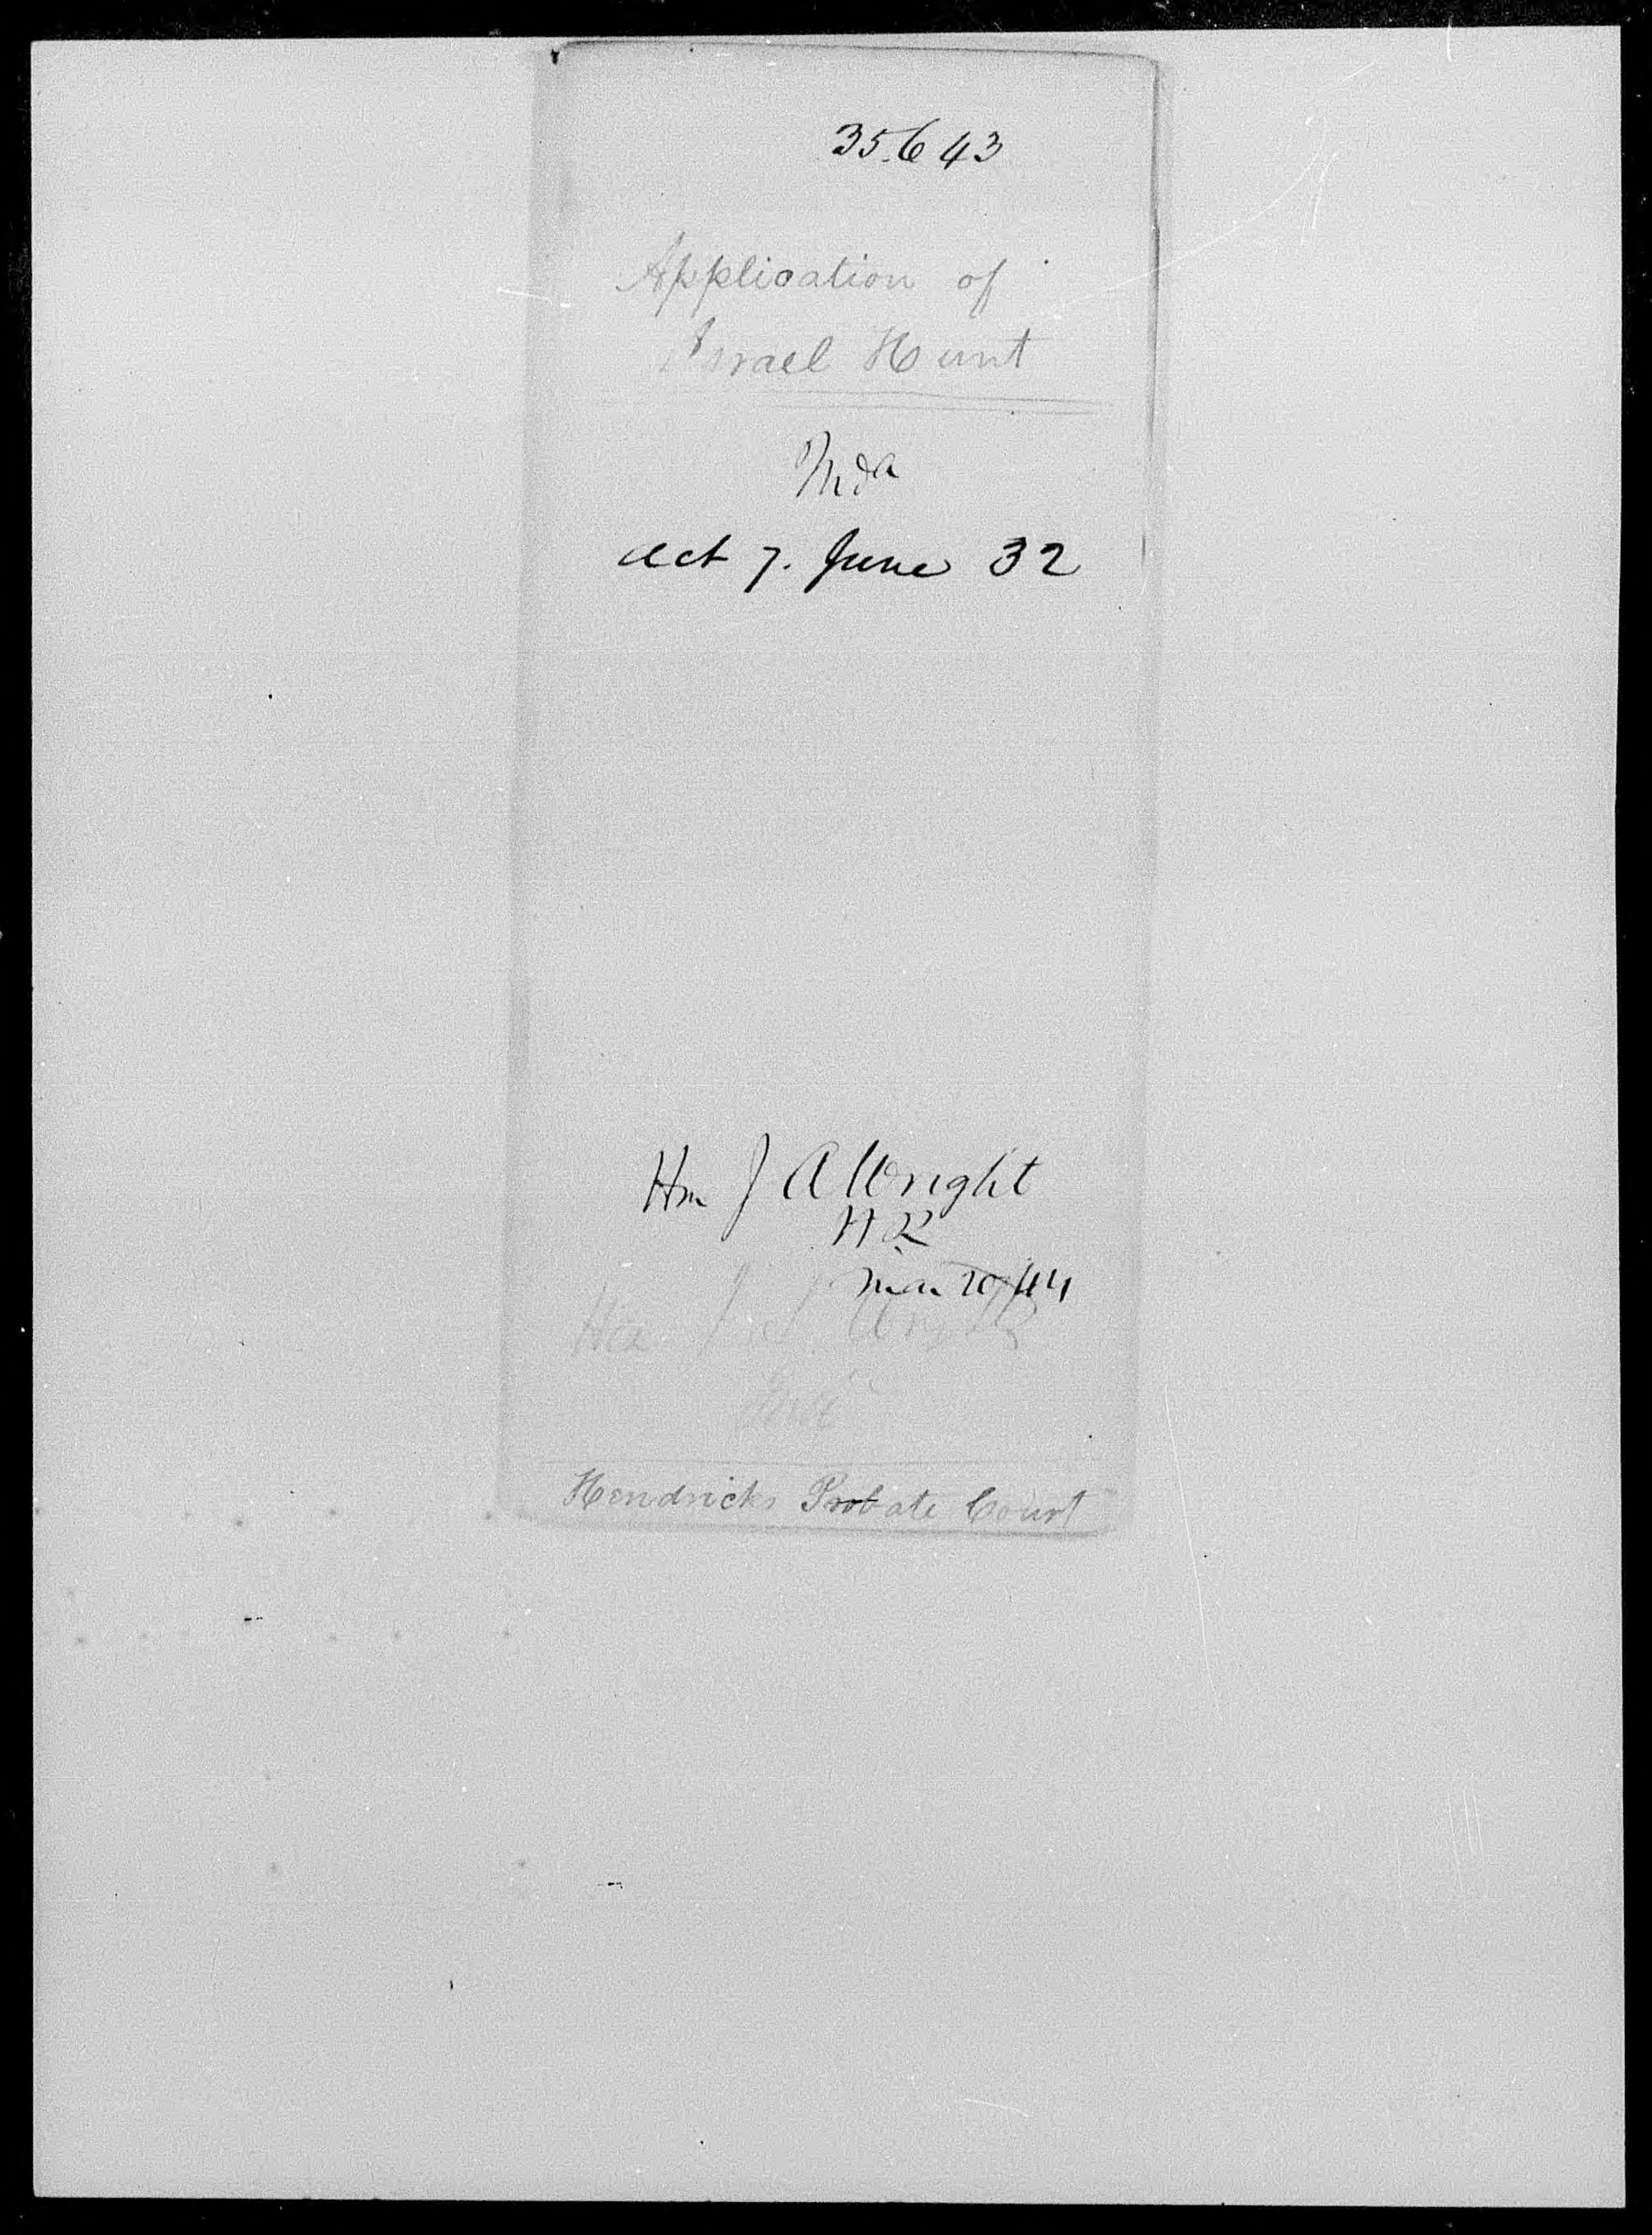35,643
Application of Israel Hunt
Mja
Act 7 June 32

Hon J. Albright
1102
Mar 20 44

Hendricks Probate Court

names: J A Wright; Israel Hunt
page: 6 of 18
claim: rejected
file: R. 5393, for Israel Hunt, New Jersey